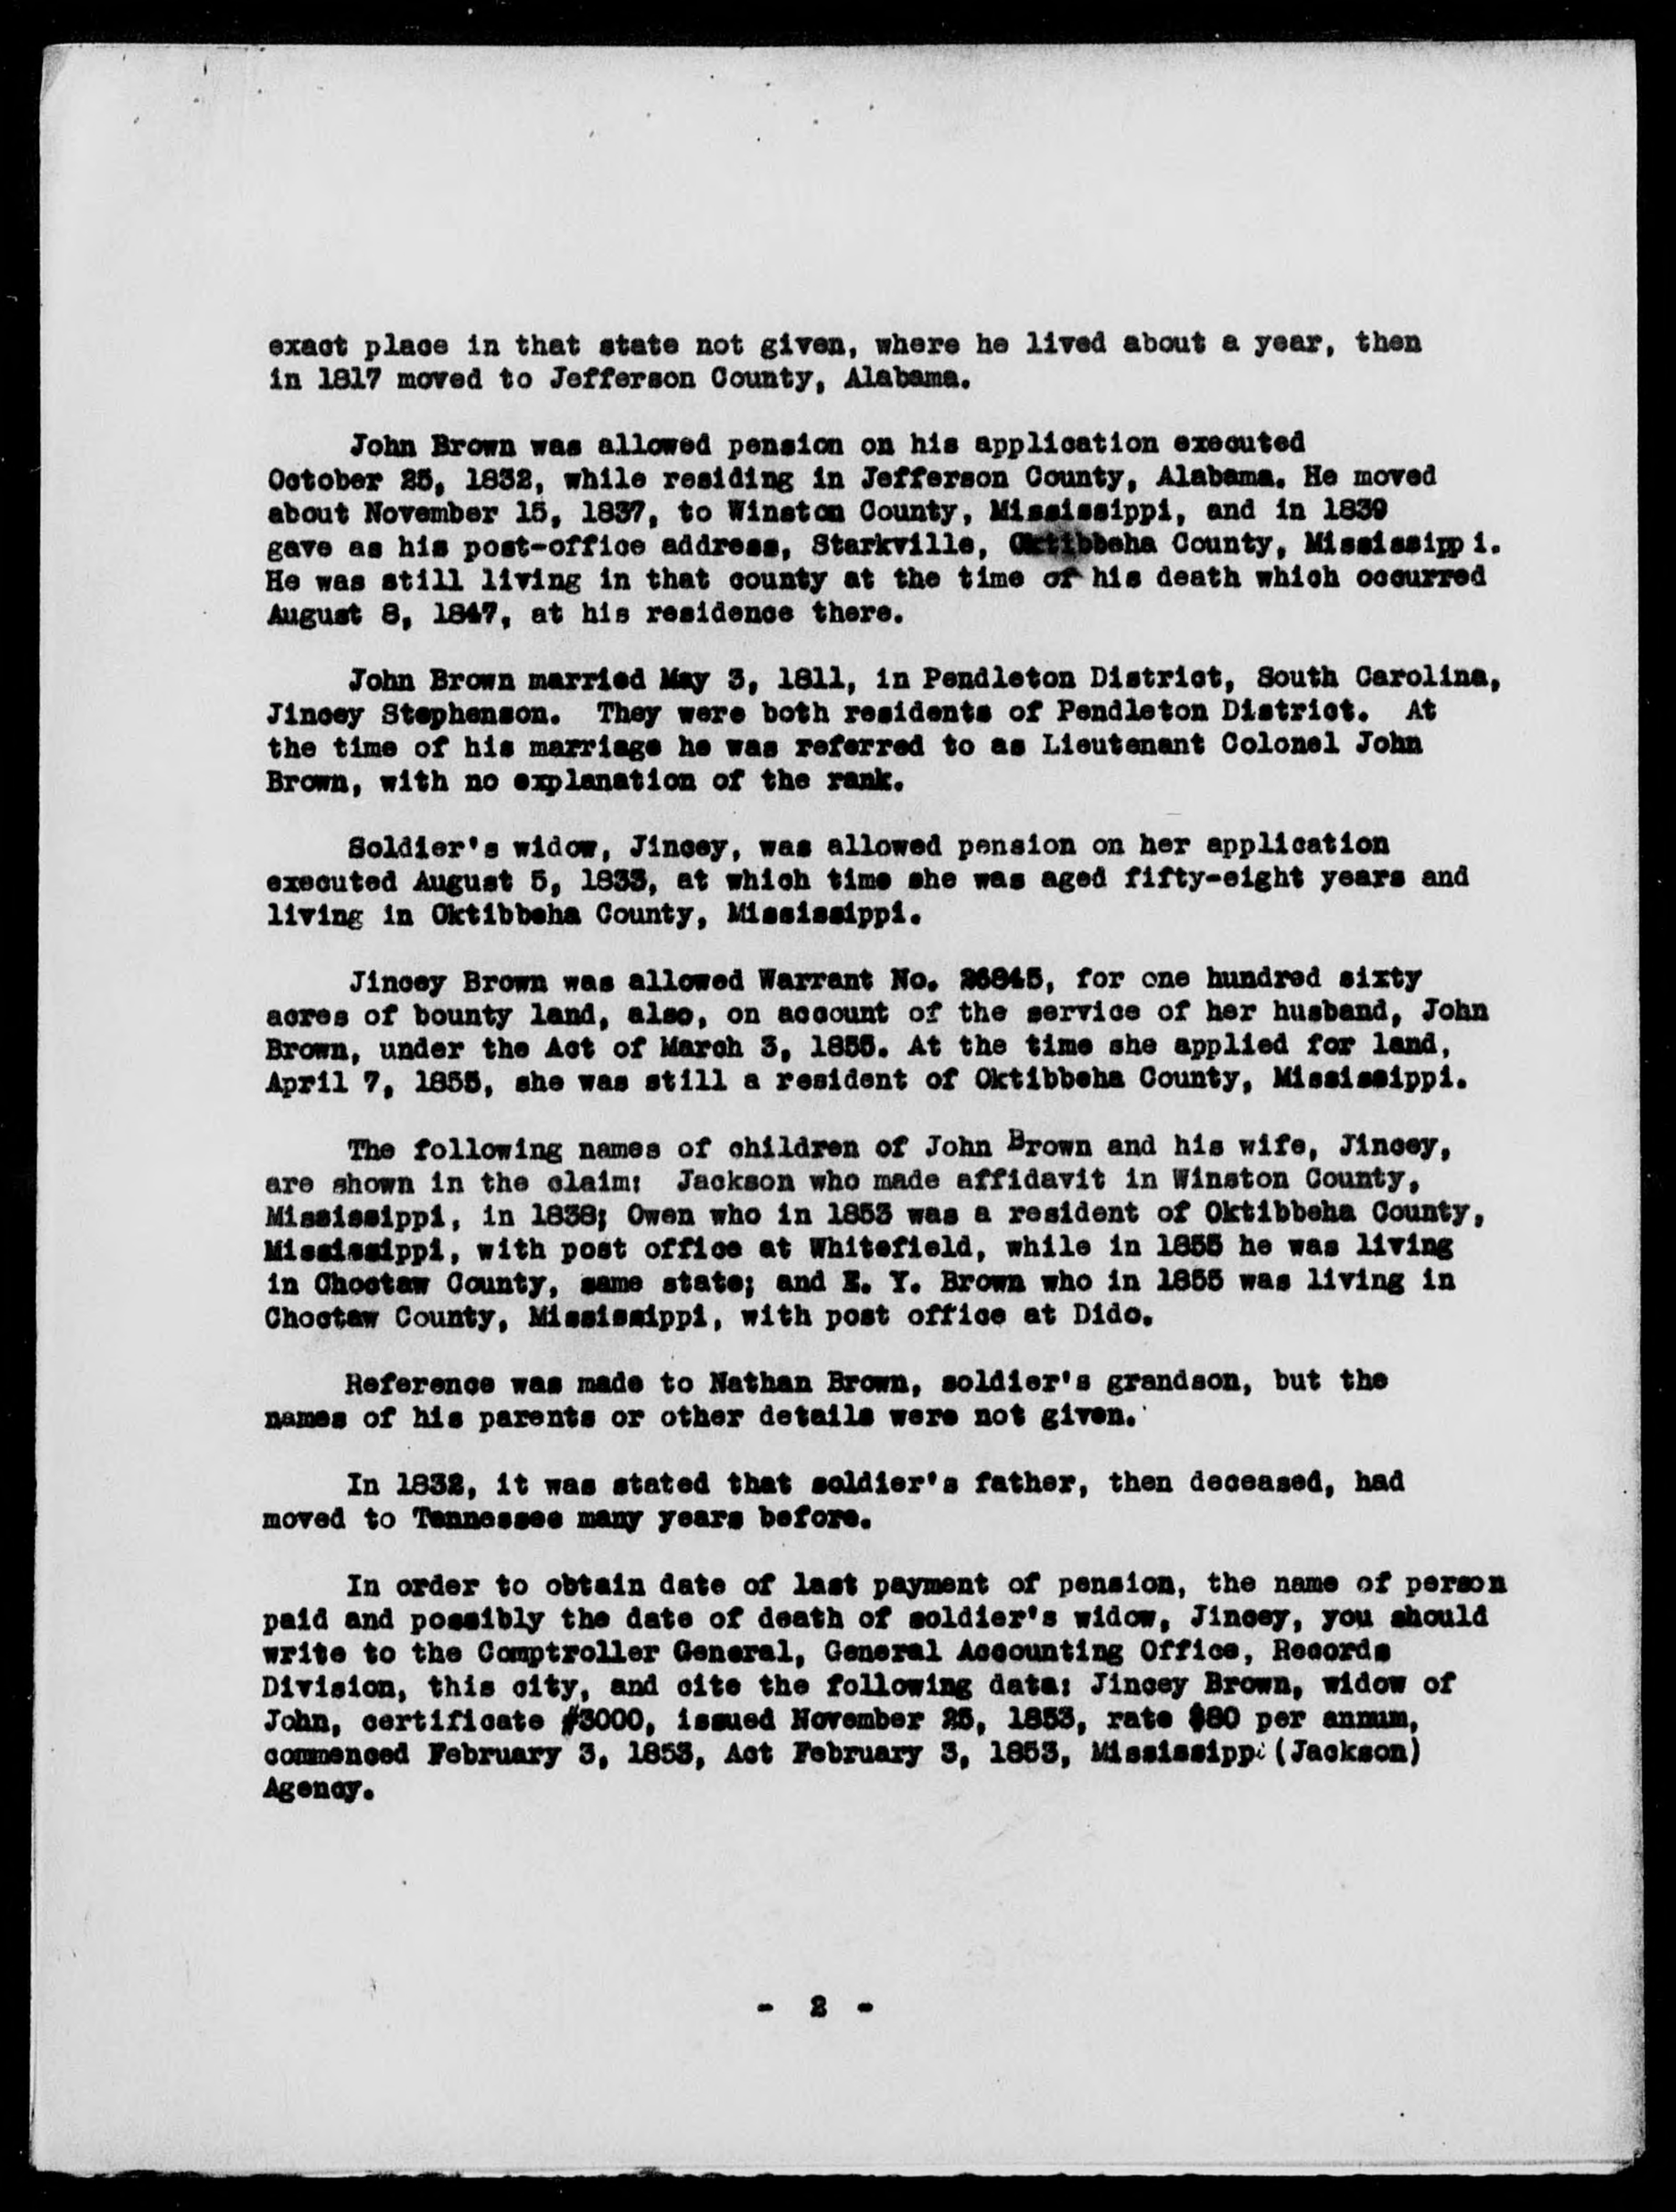exact place in that state not given, where he lived about a year, then in 1817 moved to Jefferson County, Alabama.

John Brown was allowed pension on his application executed
October 25, 1837, while residing in Jefferson County, Alabama.  He moved
about November 15, 1837, to Winston County, Mississippi, and in 1839
gave as his post-office address, Starkville, Oktibbeha County,  Mississippi.
He was still living in that county at the time of hie death which ocourred August 8, 1847, at his residence there.

John Brown married May 3, 1811, in Pendleton District, South Carolina 
Jincey Stephenson. They were both residents of Pendleton District.  At
the time of his marriage he was referred to as Lieutenant Colonel John
Brown, with no explanation of the rank
.
Soldier's widow, Jincey, was allowed pension on her application 
executed August 5, 1835, at which time she was aged fifty-eight years and 
living In Oktibbeha County, Mississippi.

Jincey Brown was allowed Warrant No. 26845, for one hundred sixty 
acres of bounty land, also, on account of the service of her husband, John 
Brown, under the Act of March 3, 1856. At the time she applied for land, 
April  7, 1855, she was still a resident of Oktibbeha County, Mississippi.

The following names of children of John Brown and his wife, Jincey, 
are shown in the claim:  Jackson who made affidavit in Winston County,
Mississippi, in 1838; Owen who in 1853 was a resident of Oktibbeha County, Mississippi, with post office at Whitefield, while in 1855 he was living 
in Choctaw County, same state; and E. Y. Brown who in 1855 was living in
Choctaw County, Mississippi, with post office at Dido.

Reference was made to Nathan Brown, soldier'a grandson, but the
names of his parents or other details were not given.

In 1832, it was stated that soldier's father, then deceased, had
moved to Tennessee many years before.

In order to obtain date of last payment of pension, the name of person
pald and possibly the date of death of soldier's widow, Jincey, you should
write to the Comptroller General, General Accounting Office, Records 
Division, this city, and cite the following data: Jincey Brown, widow of 
John, certificate #3000, issued November 25, 1853, rate $80 per annum,
commenced February 3, 1853, Act February 3, 1053, Mississippi (Jackson)
Agency.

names: Jincey, Nathan Brown, John, E Y Brown, John Brown, Jackson, John Brown, Jackson, John Brown, John Brown, Jincey Brown, Jincey, Jincey, John Brown, Jincey Brown, Jincey Stephenson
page: 28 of 85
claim: widow's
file: W. 5,906, John Brown, S.C.